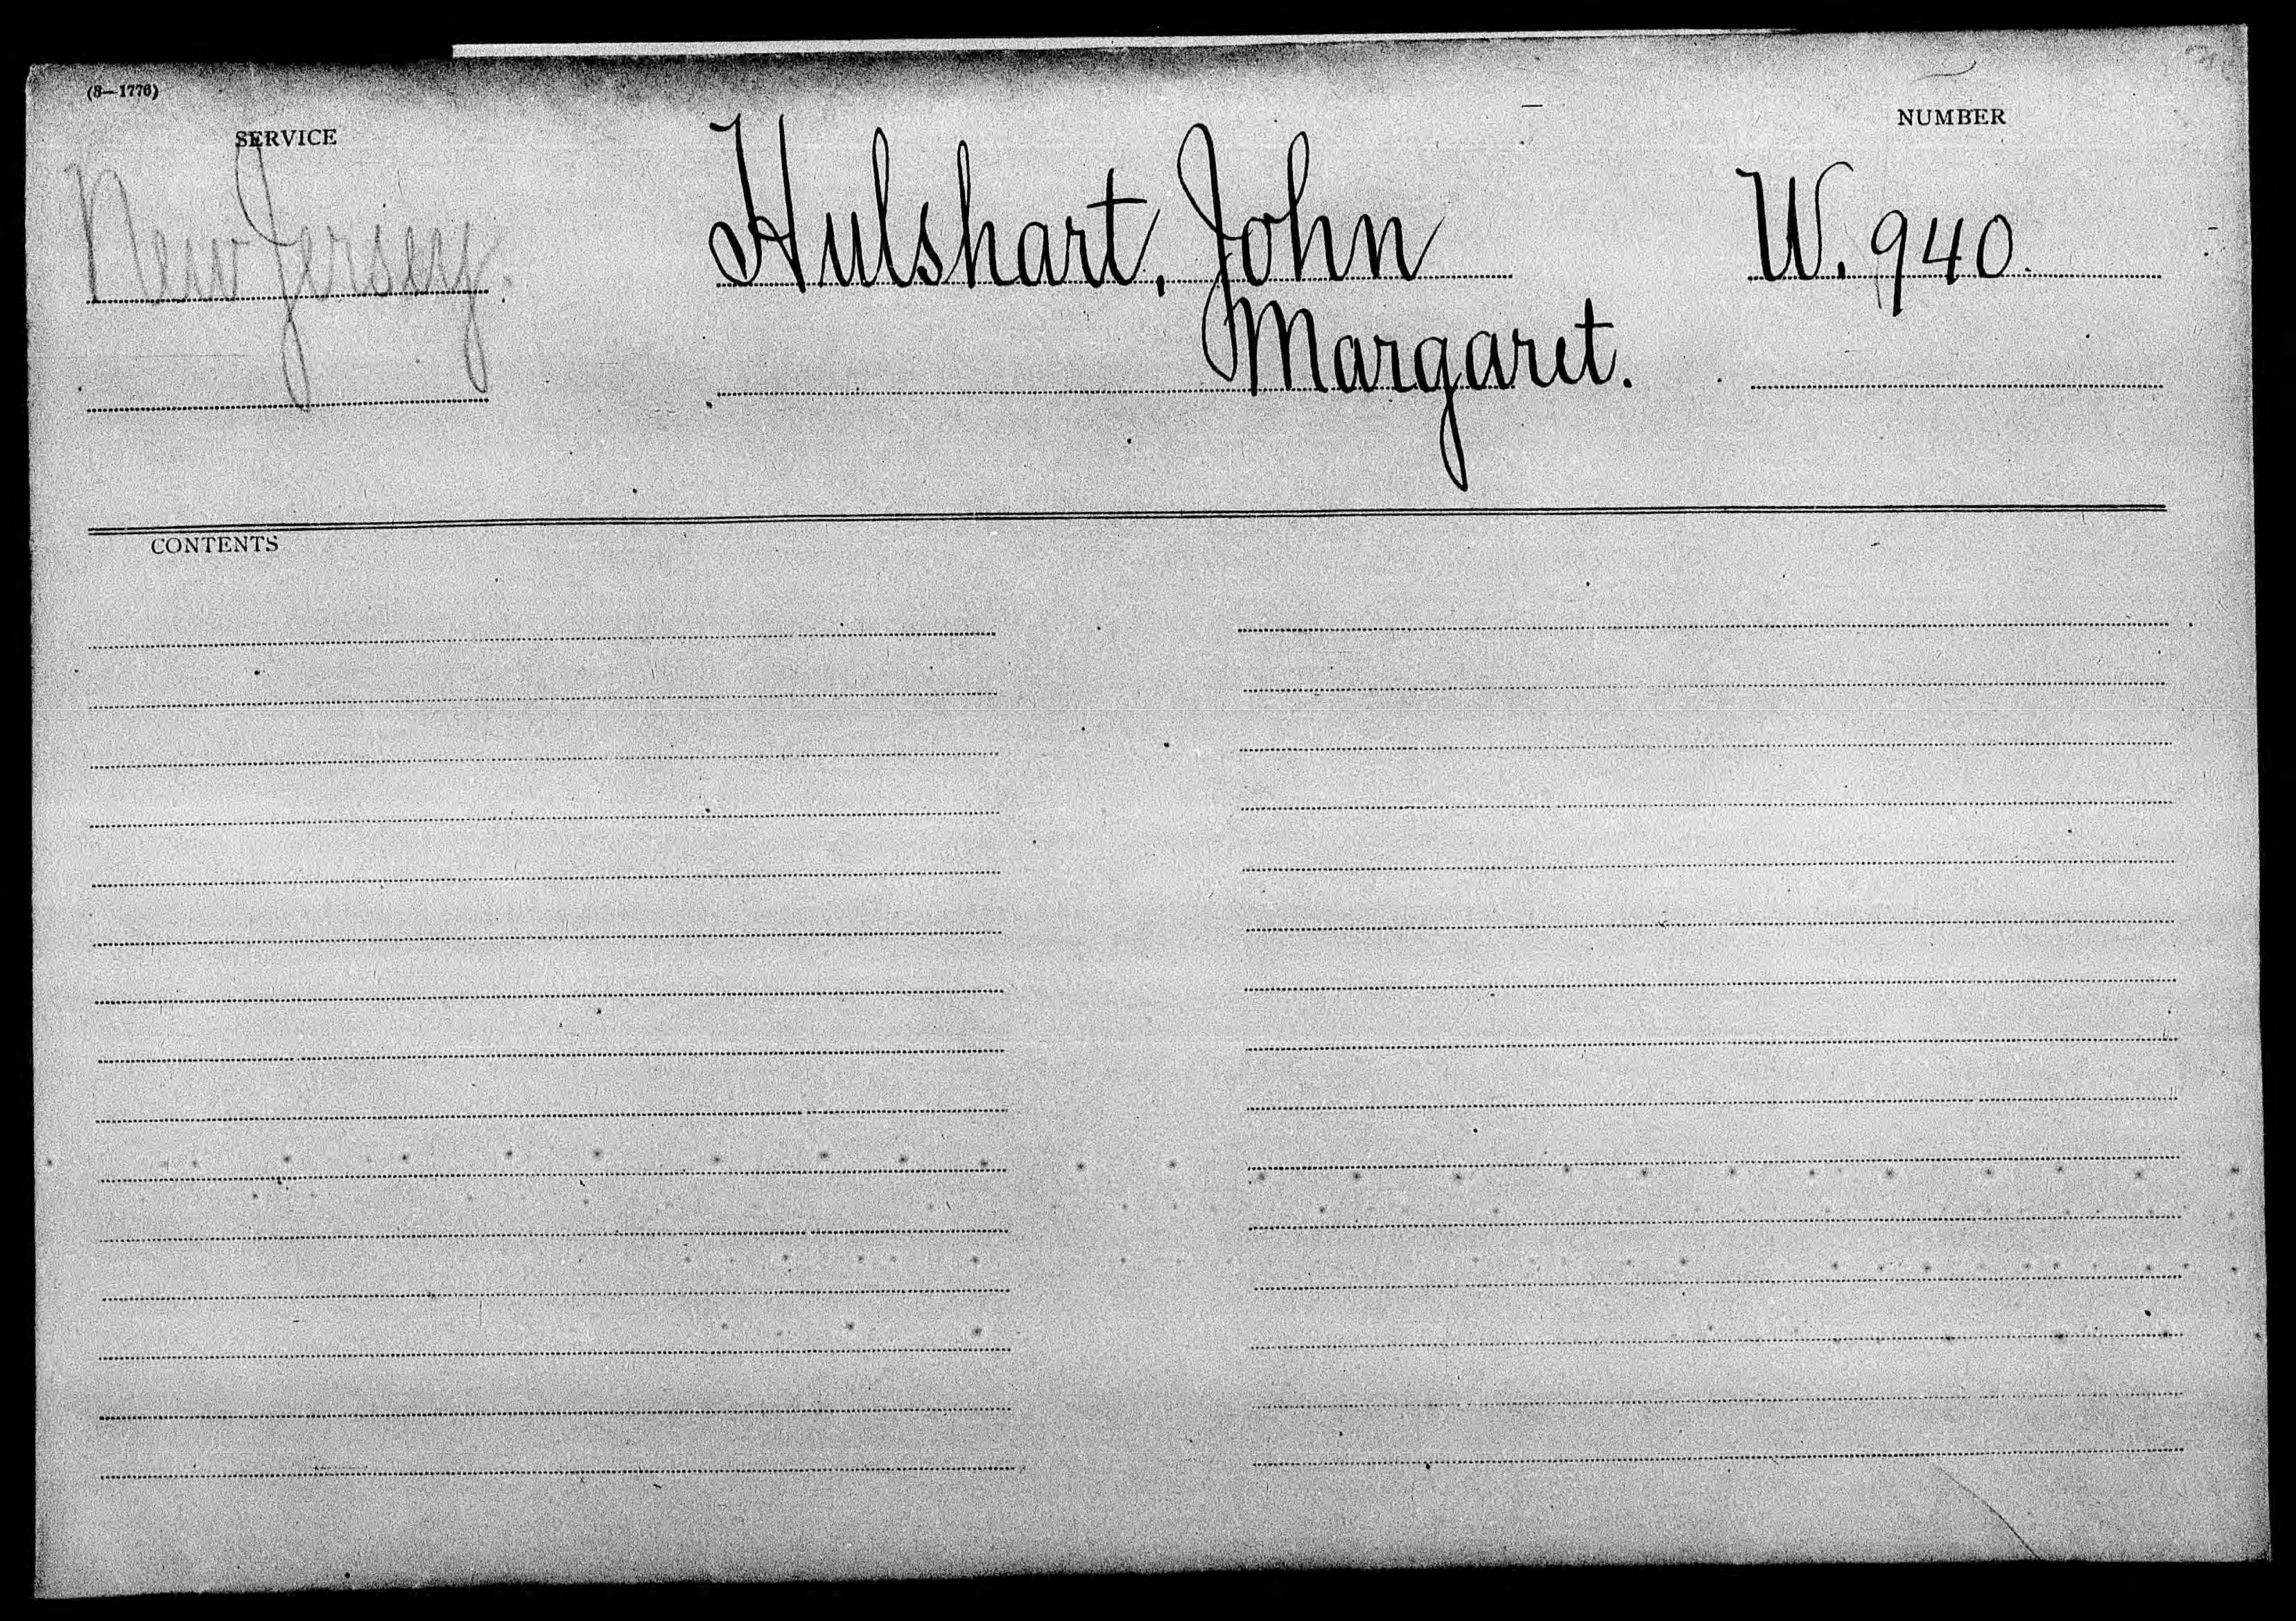Service New Jersey

Hulshart, John
Margaret

Number W. 940

Contents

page: 1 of 34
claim: widow's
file: W. 940, John Hulshart, New Jersey